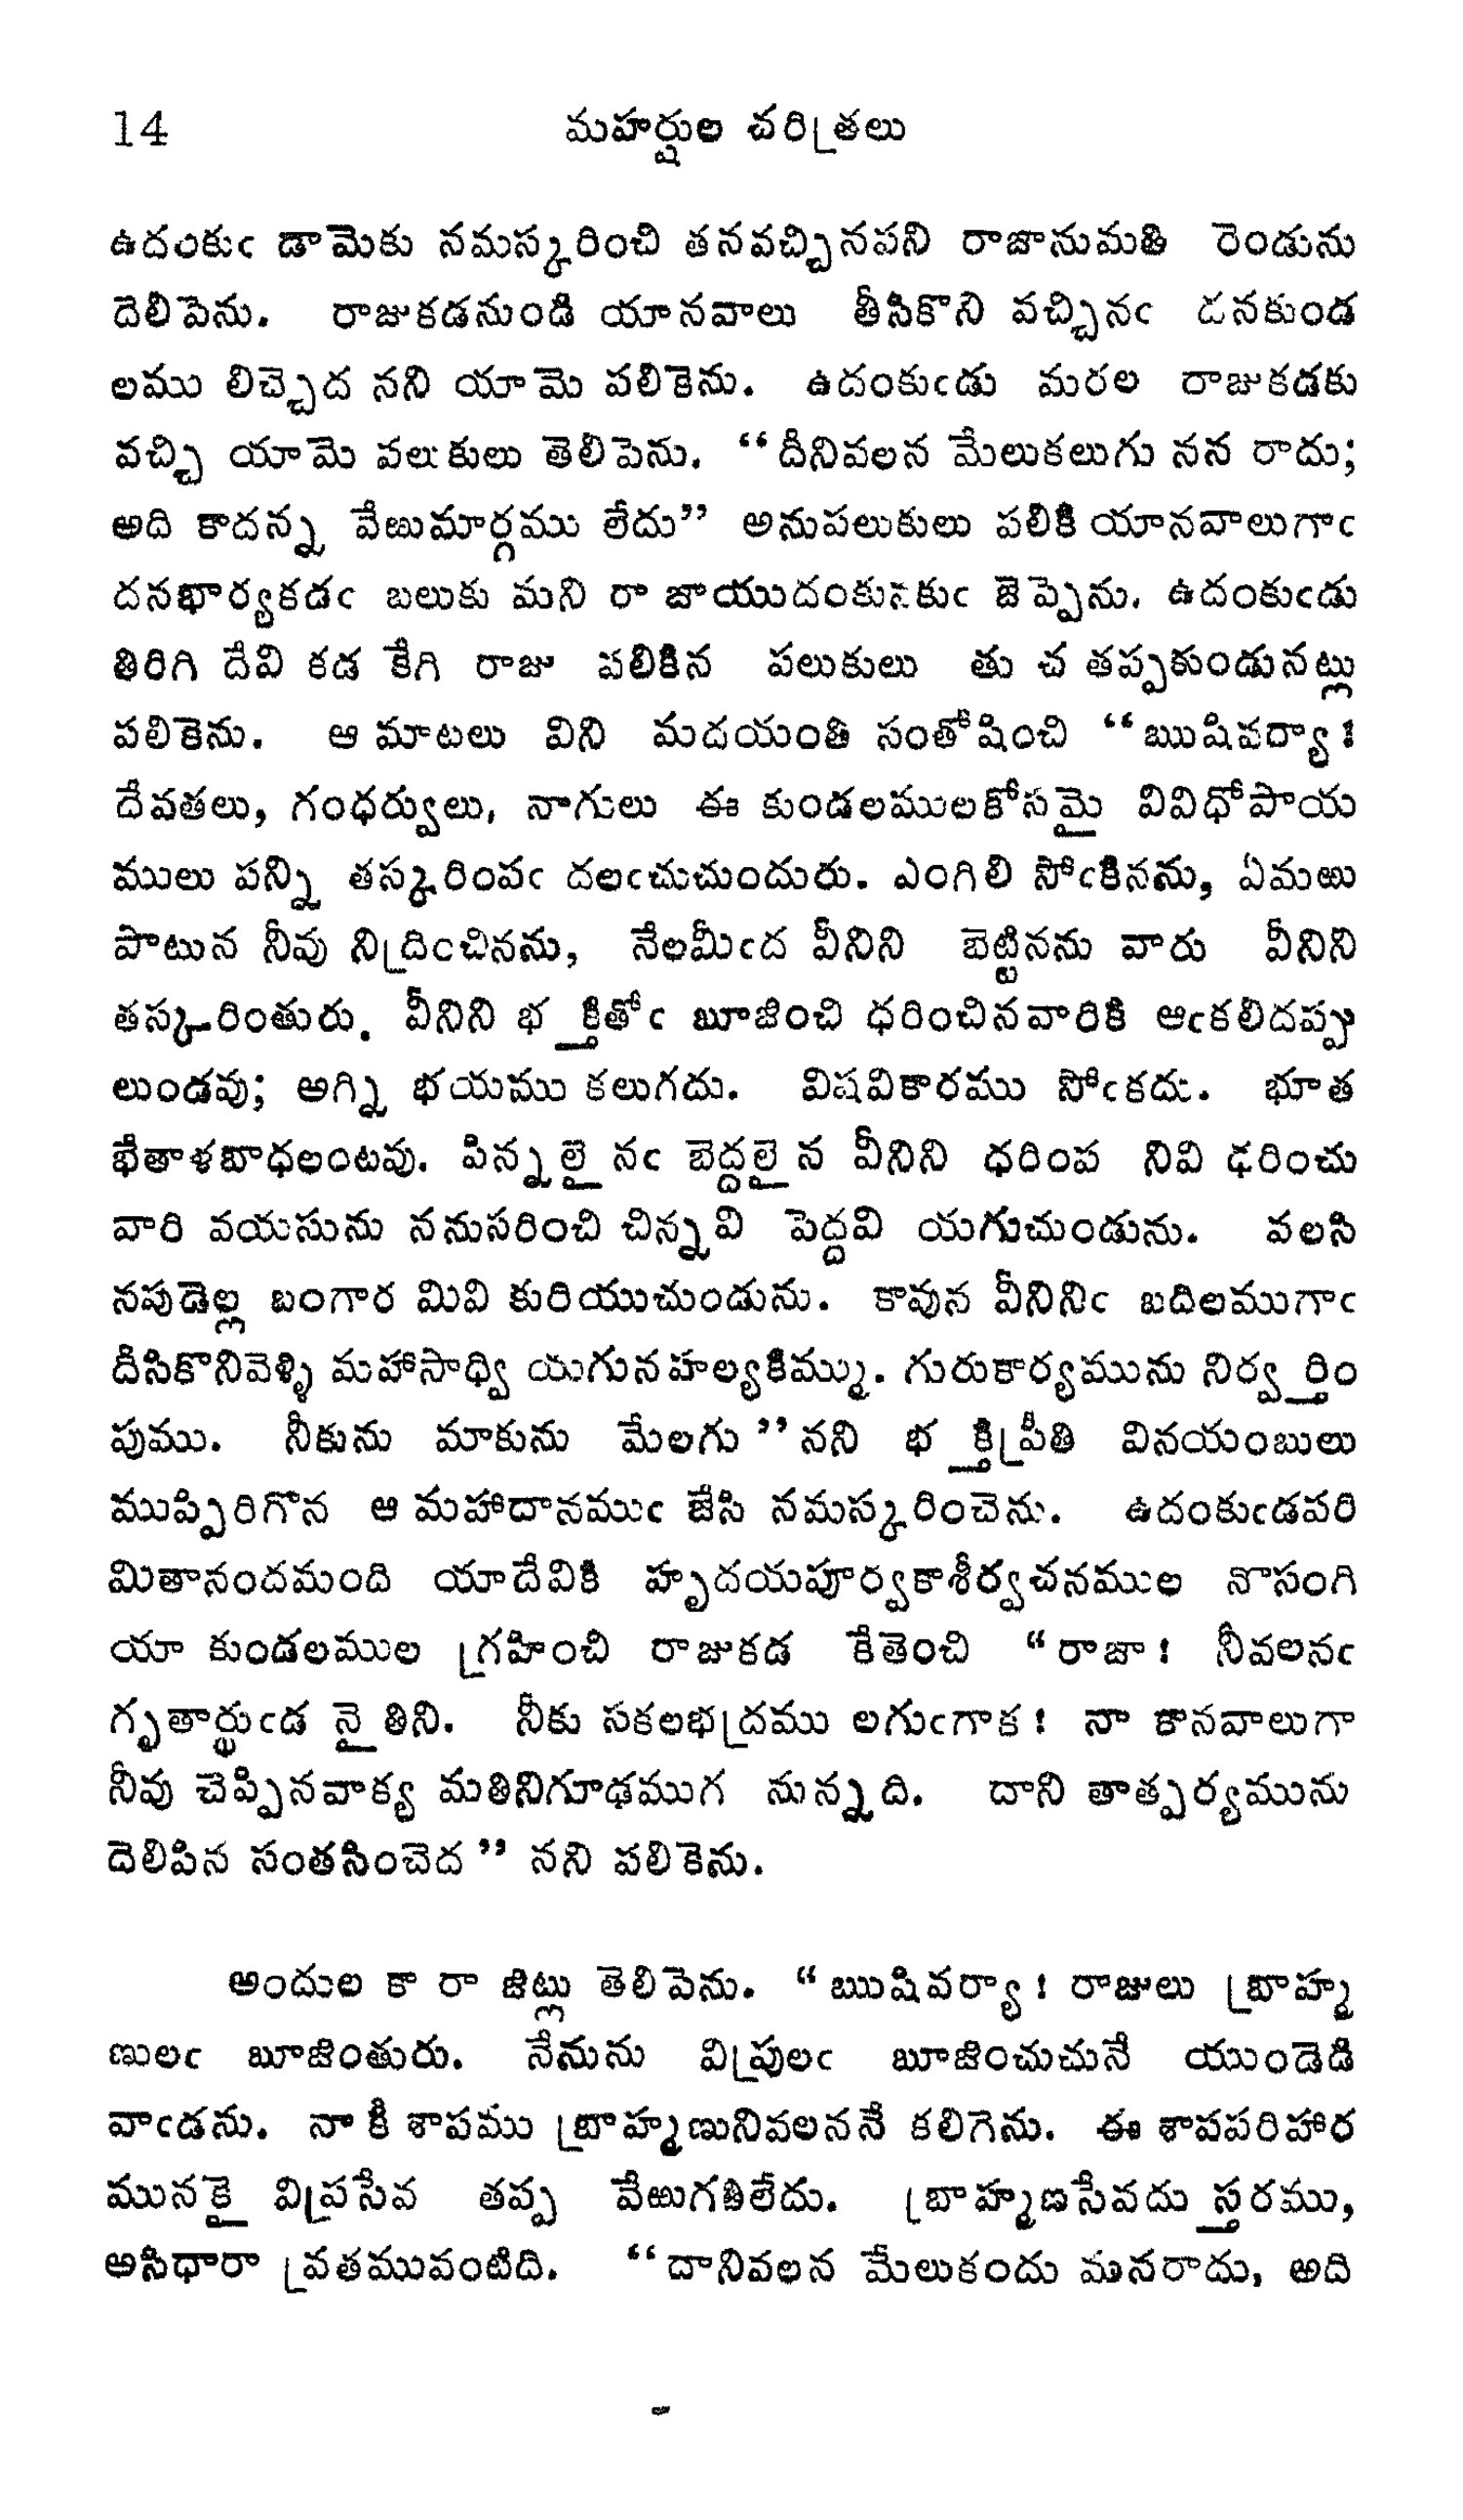ఉదంకు డామెకు నమస్కరించి తనవచ్చినపని రాజానుమతి రెండును దెలిపెను. రాజుకడనుండి యానవాలు తీసికొని వచ్చిన దనకుండలము లిచ్చెద నని యామె పలికెను. ఉదంకుడు మరల రాజుకడకు వచ్చి యామె పలుకులు తెలిపెను. " దీనివలన మేలుకలుగు నన రాదు; అది కాదన్న వేరుమార్గము లేదు " అను పలుకులు పలికి యానవాలుగా దనభార్యకడ బలుకు మని రా జాయుదంకునకు జెప్పెను. ఉదంకుడు తిరిగి దేవి కడ కేగి రాజు పలికిన పలుకులు తు చ తప్పకుండునట్లు పలికెను. ఆ మాటలు విని మదయంతి సంతోషించి " ఋషివర్యా ! దేవతలు, గంధర్వులు, నాగులు ఈ కుండలములకోసమై వివిధొపాయములు పన్ని తస్కరింప దలచుచుందురు. ఎంగిలి సోకినను, ఏమరుపాటున నీవు నిద్రించినను, నేలమీద వీనిని బెట్టినను వారు వీనిని తస్కరింతురు. వీనిని భక్తితో బూజించి ధరించినవారికి ఆకలిదప్పు లుండవు; అగ్ని భయము కలుగదు. విషవికారము సోకదు. భూత భేతాళబాధలంటవు. పిన్నలైన బెద్దలైన వీనిని ధరింప నివి ధరించు వారి వయసును ననుసరించి చిన్నవి పెద్దవి యగుచుండును. వలసి నపుడెల్ల బంగార మివి కురియుచుండును. కావున వీనిని బదిలముగా దీసికొనివెళ్ళి మహాసాధ్వి యగునహల్యకిమ్ము. గురుకార్యమును నిర్వర్తింపుము. నీకును మాకును మేలగు " నని భక్తిప్రీతి వినయంబులు ముప్పిరిగొన ఆ మహాదానము జేసి నమస్కరించెను. ఉదంకుడపరిమానందమంది యాదేవికి హృదయపూర్వకాశీర్వచనముల నొసంగి యా కుండలముల గ్రహించి రాజుకడ కేతెంచి " రాజా ! నీవలన గృతార్థుడ నైతిని. నీకు సకలభద్రము లగుగాక ! నా కానవాలుగా నీవు చెప్పినవాక్య మతినిగూఢముగ నున్నది. దాని తాత్పర్యమును దెలిపిన సంతసించెద " నని పలికెను.

అందుల కా రాజిట్లు తెలిపెను. " ఋషివర్యా ! రాజులు బ్రాహ్మణుల బూజింతురు. నేనును విప్రుల బూజించుచునే యుండెడి వాడను. నా కీ శాపము బ్రాహ్మణునివలననే కలిగెను. ఈ శాపపరిహారమునకై విప్రసేవ తప్ప వేరుగతిలేదు. బ్రాహ్మణసేవదుస్తరము, అసిధారా వ్రతమువంటిది. " దానివలన మేలుకందు మనరాదు, అది